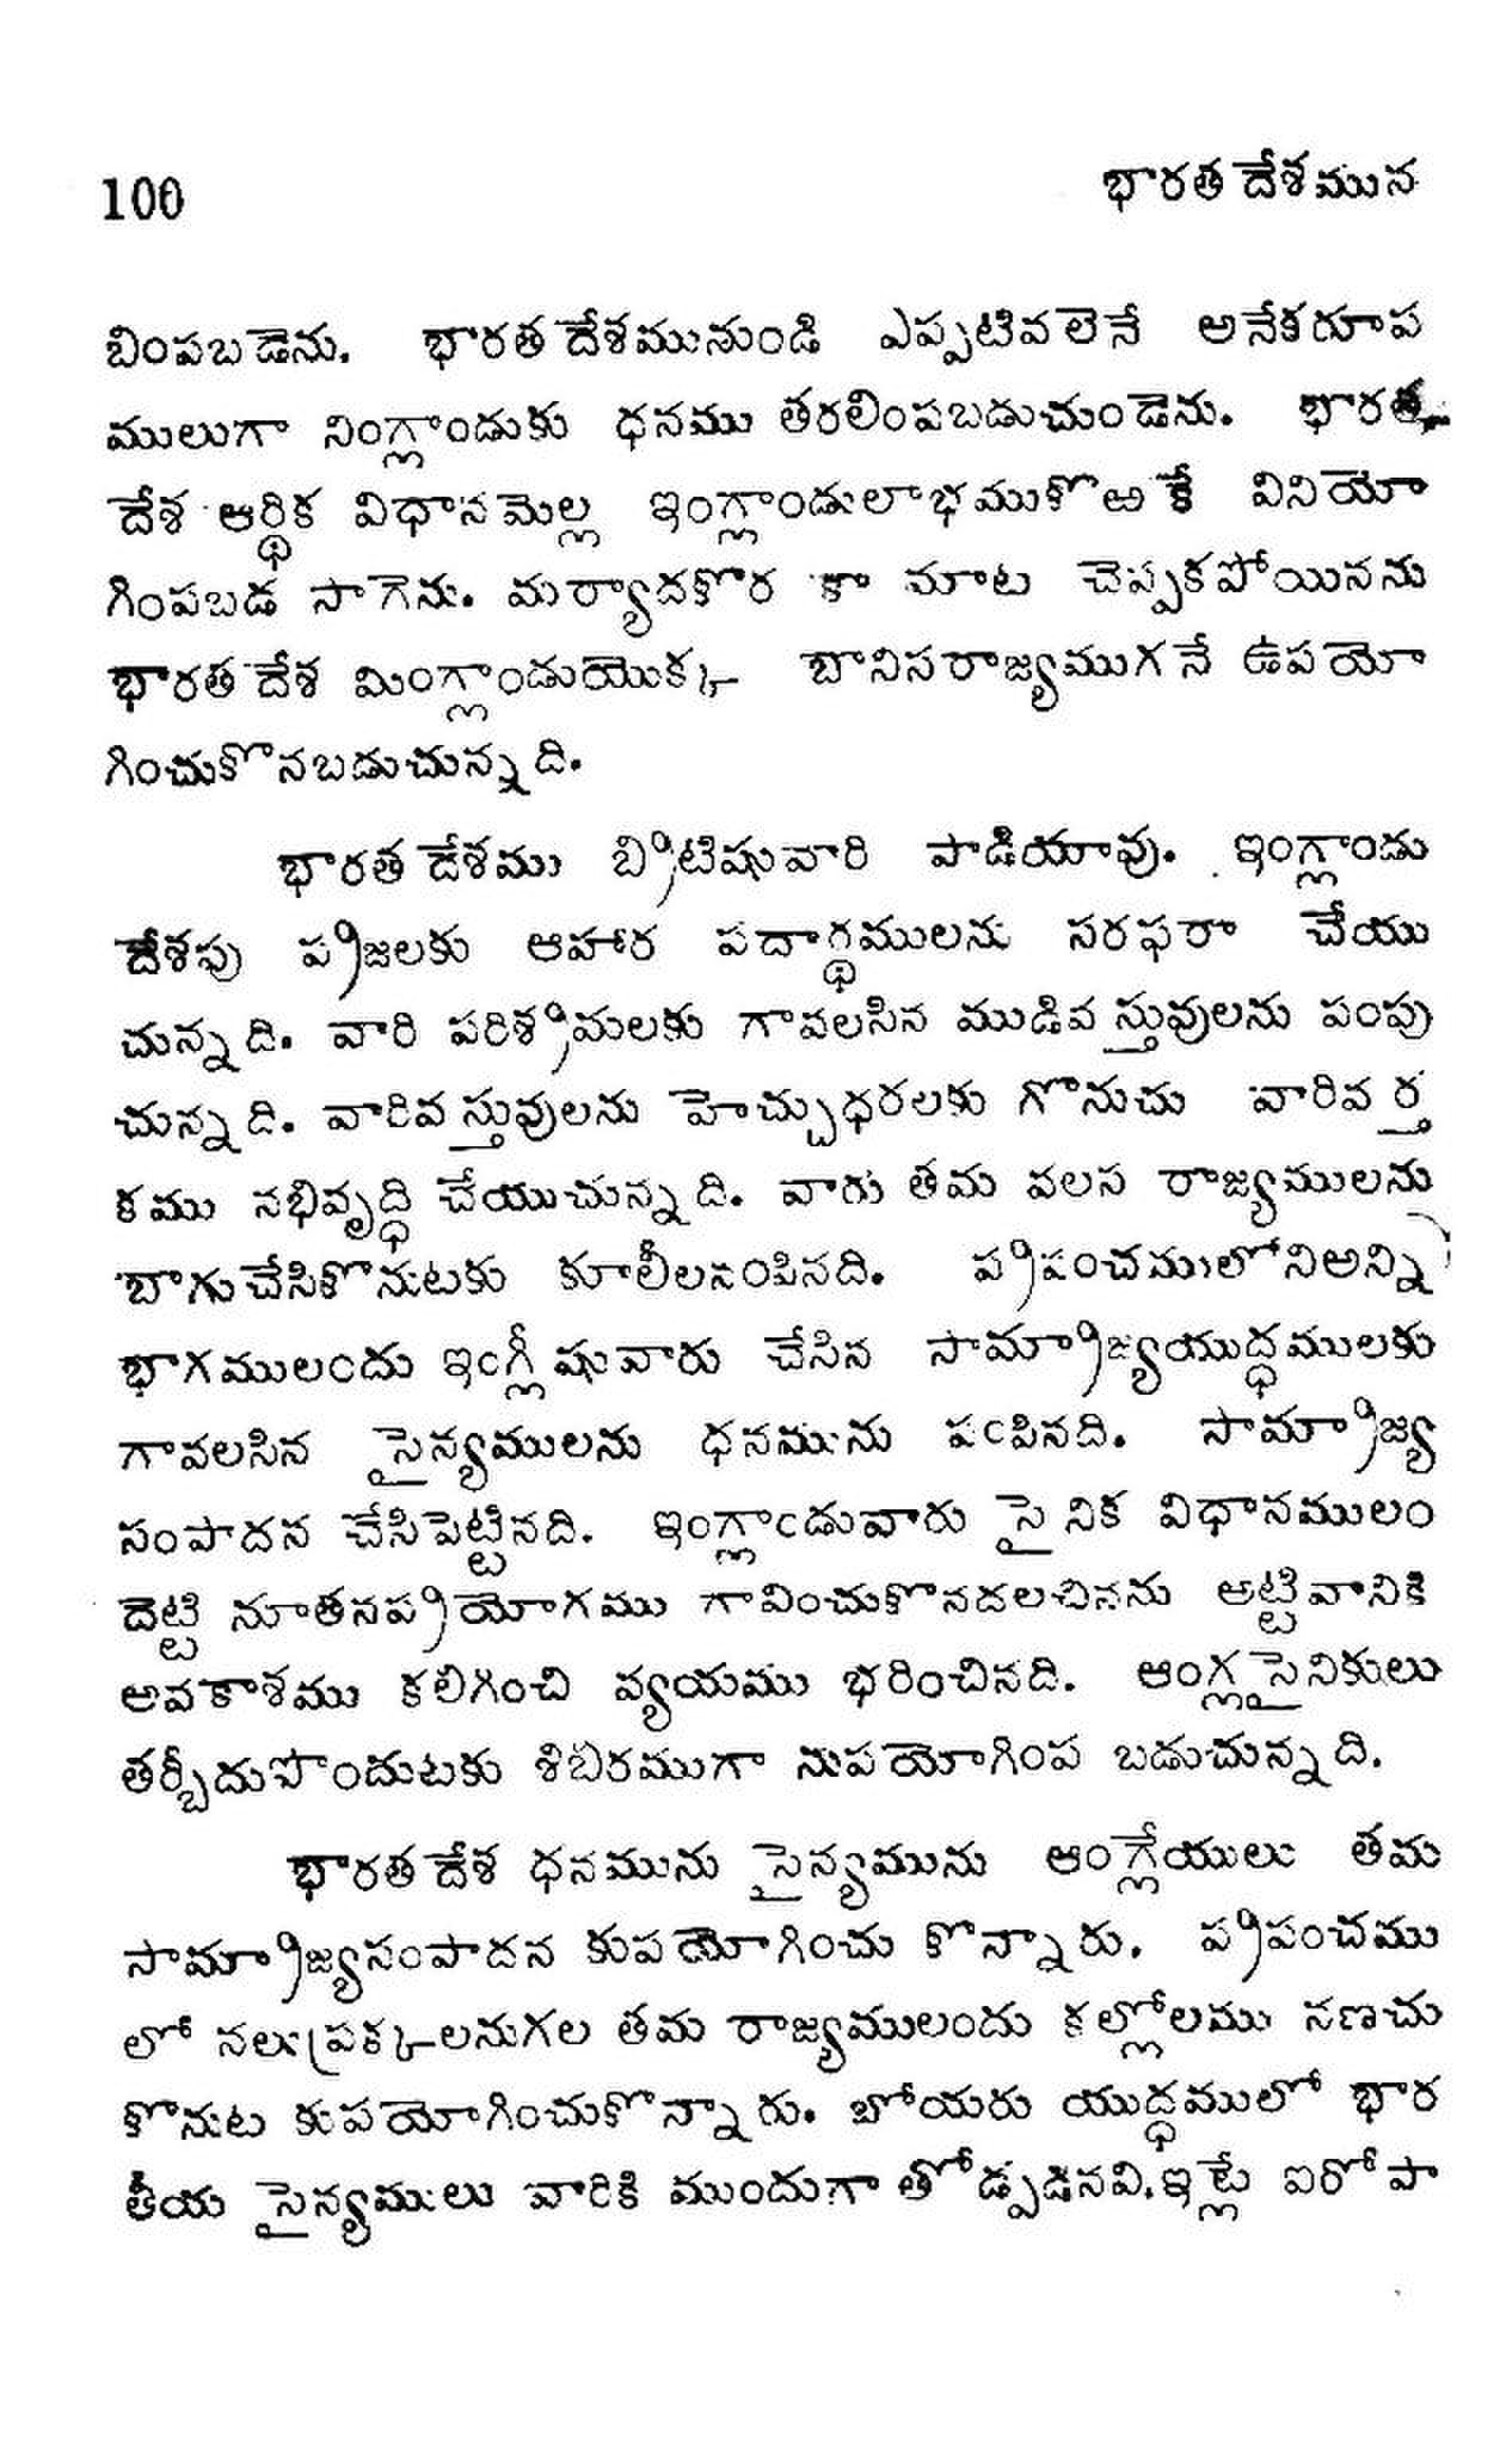బింపబడెను. భారతదేశమునుండి ఎప్పటివలెనే అనేకరూపములుగా నింగ్లాండుకు ధనము తరలింపబడుచుండెను. భారతదేశ ఆర్థిక విధానమెల్ల ఇంగ్లాండులాభముకొఱకే వినియోగింపబడ సాగెను. మర్యాదకొర కా మాట చెప్పకపోయినను
భారతదేశ మింగ్లాండుయొక్క బానిసరాజ్యముగనే ఉపయోగించుకొనబడుచున్నది.

భారతదేశము బ్రిటిషువారి పాడియావు. . ఇంగ్లాండుదేశపు ప్రజలకు ఆహార పదార్దములను సరఫరా చేయుచున్నది. వారి పరిశ్రమలకు గావలసిన ముడివస్తువులను పంపుచున్నది. వారివస్తువులను హెచ్చుధరలకు గొనుచు వారివర్తకము నభివృద్ధి చేయుచున్నది. వారు తమ వలస రాజ్యములను బాగుచేసికొనుటకు కూలీలనంపినది. ప్రపంచములోనిఅన్ని భాగములందు ఇంగ్లీషువారు చేసిన సామ్రాజ్యయుద్ధములకు గావలసిన సైన్యములను ధనమును పంపినది. సామ్రాజ్య సంపాదన చేసిపెట్టినది. ఇంగ్లాండువారు సైనిక విధానములం దెట్టి నూతనప్రయోగము గావించుకొనదలచినను అట్టివానికి అవకాశము కలిగించి వ్యయము భరించినది. ఆంగ్లసైనికులు తర్ఫీదుపొందుటకు శిబిరముగా నుపయోగింప బడుచున్నది.

భారతదేశ ధనమును సైన్యమును ఆంగ్లేయులు తమ సామ్రాజ్యసంపాదన కుపయోగించు కొన్నారు. ప్రపంచములో నలుప్రక్కలనుగల తమ రాజ్యములందు కల్లోలము నణచుకొనుట కుపయోగించుకొన్నారు. బోయరు యుద్ధములో భారతీయ సైన్యములు వారికి ముందుగా తోడ్పడినవి. ఇట్లే ఐరోపా